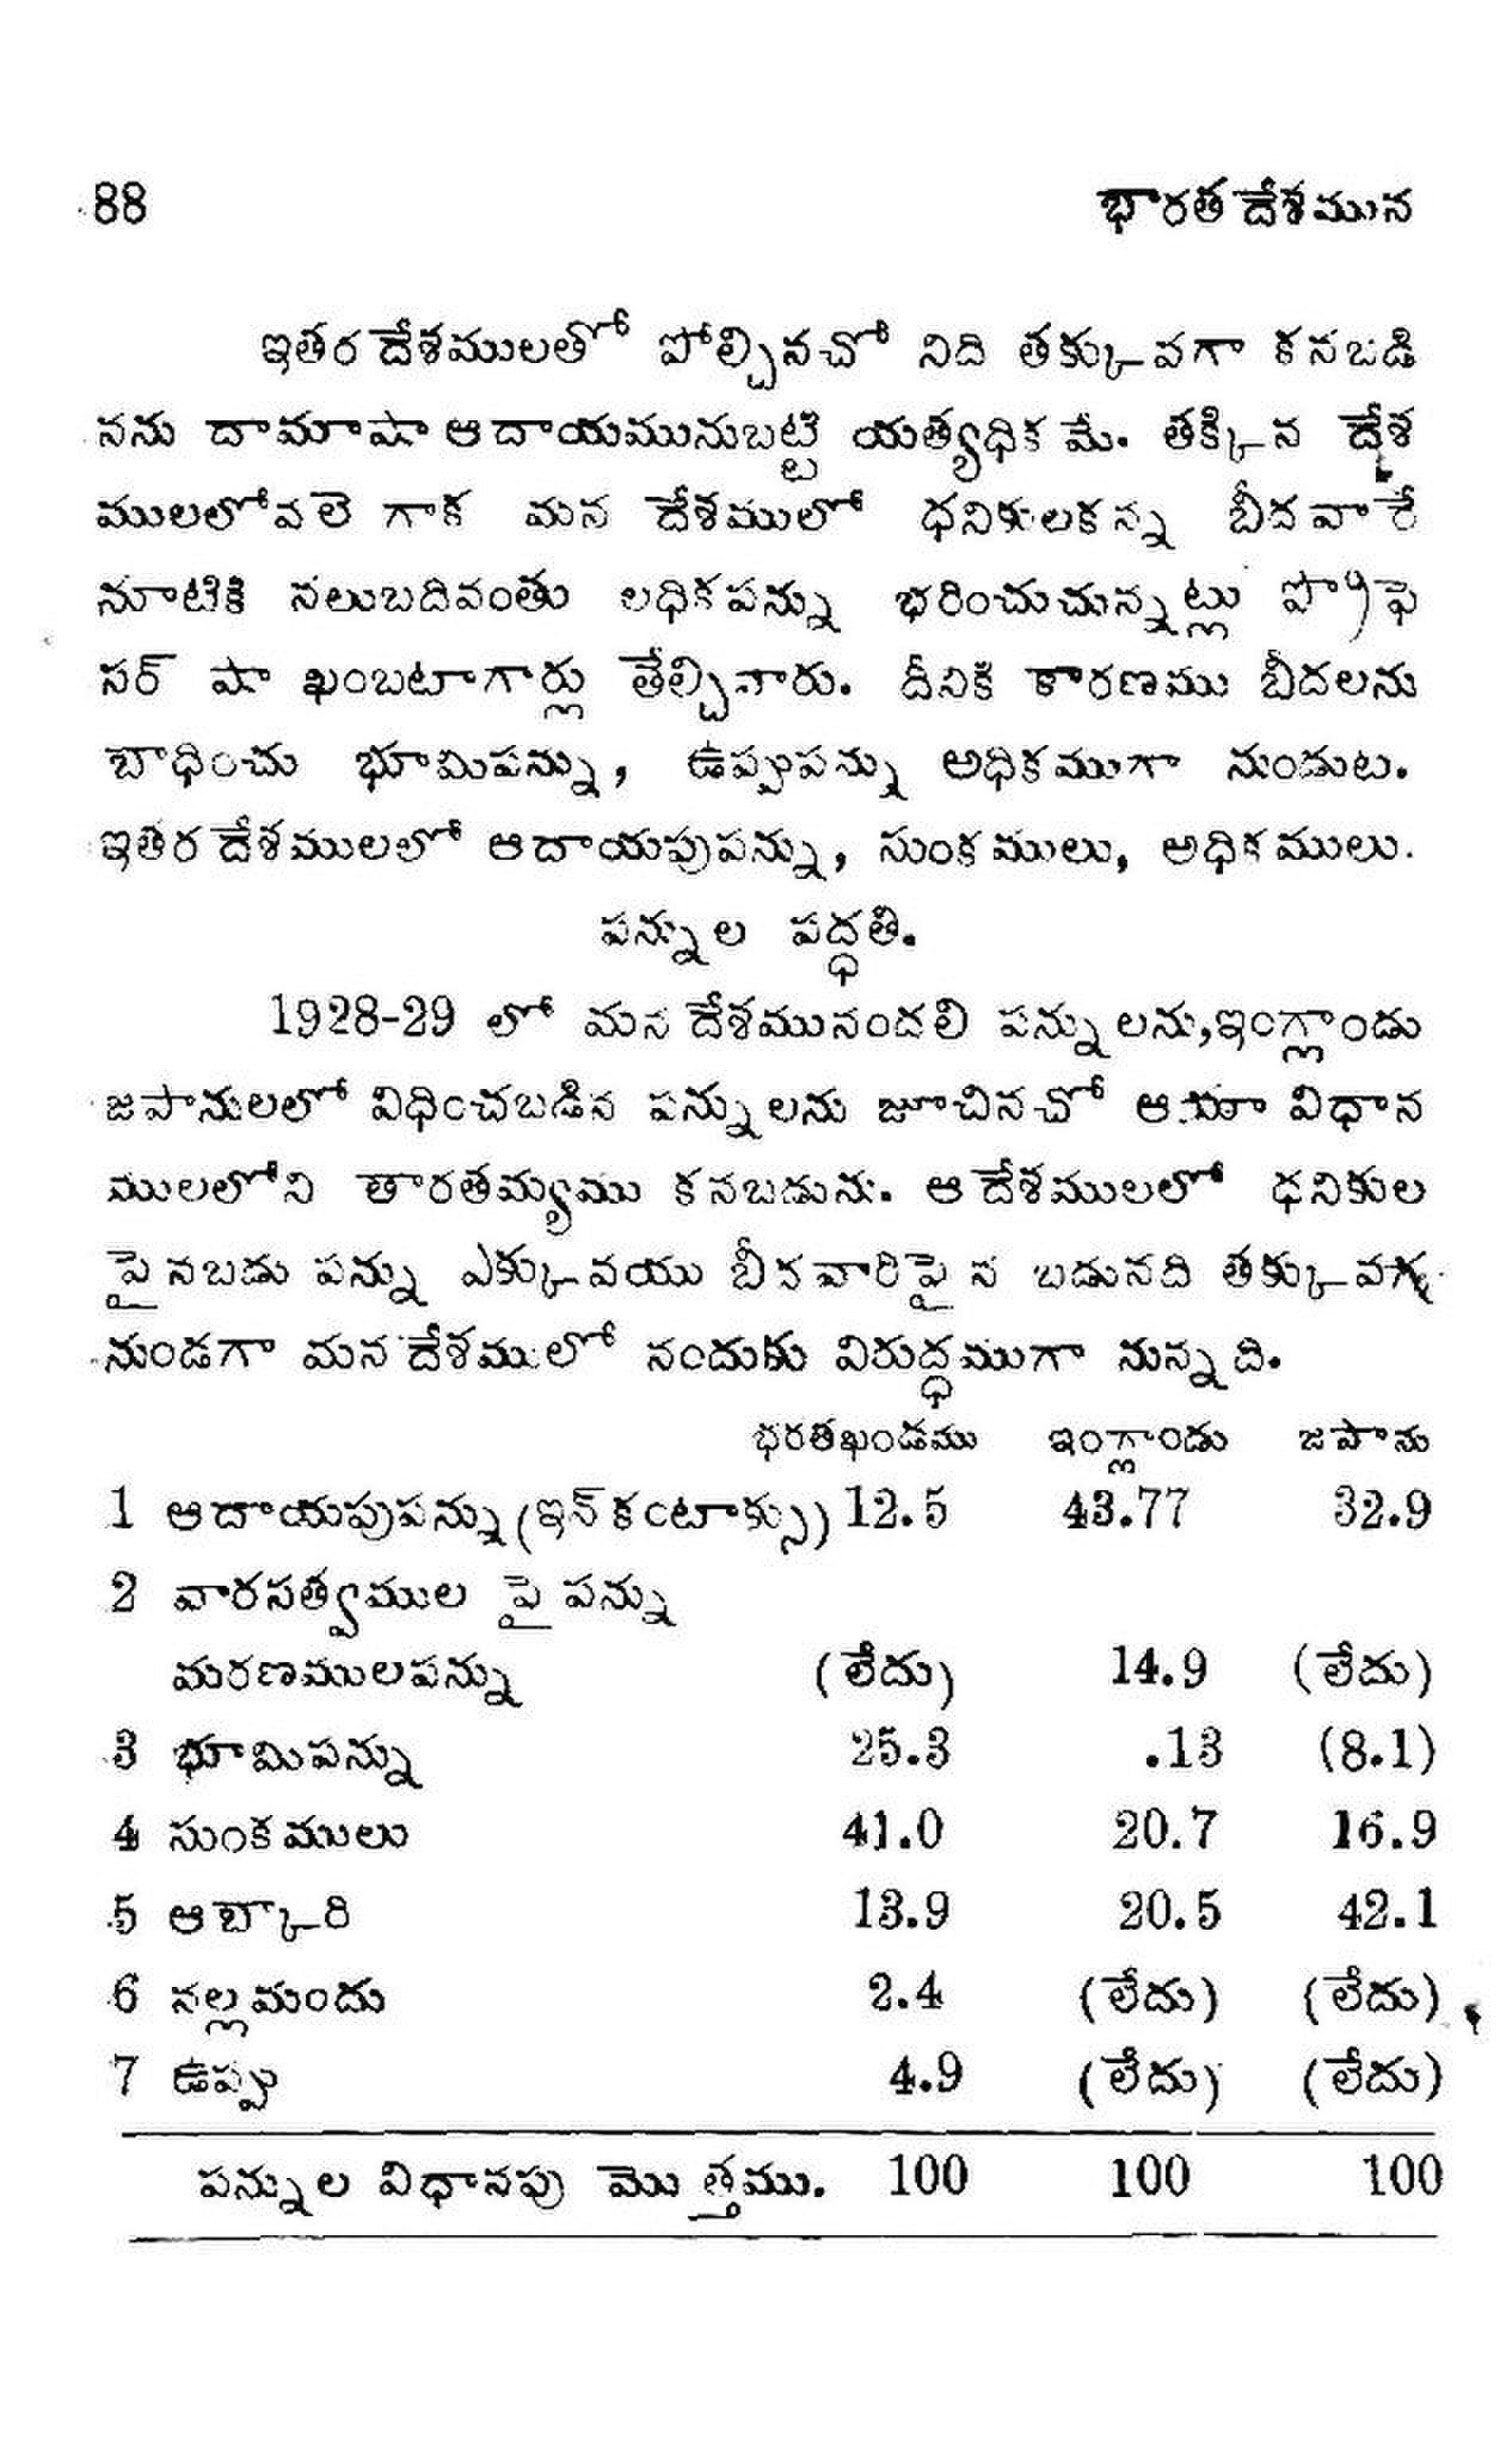ఇతరదేశములతో పోల్చినచో నిది తక్కువగా కనబడినను దామాషా ఆదాయమునుబట్టి యత్యధికమే. తక్కిన దేశములలోవలె గాక మన దేశములో ధనికలకన్న బీదవారే నూటికి నలుబదివంతు లధికపన్ను భరించుచున్నట్లు ప్రొఫెసర్ షా ఖంబటాగార్లు తేల్చినారు. దీనికి కారణము బీదలను బాధించు భూమిపన్ను, ఉప్పుపన్ను అధికముగా నుండుట. ఇతరదేశములలో ఆదాయపుపన్ను, సుంకములు, అధికములు.

 

1928-29 లో మన దేశమునందలి పన్నులను, ఇంగ్లాండు జపానులలో విధించబడిన పన్నులను జూచినచో ఆయా విధానములలోని తారతమ్యము కనబడును. ఆ దేశములలో ధనికుల పైనబడు పన్ను ఎక్కువయు బీదవారిపైన బడునది తక్కువగ నుండగా మనదేశములో నందుకు విరుద్ధముగా నున్నది.

 - భరతఖండము ఇంగ్లాండు జపాను 1. ఆదాయపుపన్ను (ఇన్‌కంటాక్సు) 12.5 43.77 32.9 2.వారసత్వములపైపన్ను మరణములపన్ను (లేదు) 14.9 (లేదు) 3. భూమిపన్ను 25.3 .13 (8.1) 4. సుంకములు 41.0 20.7 16.9 5. ఆబ్కారి 13.9 20.5 42.1 6. నల్లమందు 2.4 (లేదు) (లేదు) 7. ఉప్పు 4.9 (లేదు) (లేదు) పన్నుల విధానపు మొత్తము 100 100 100